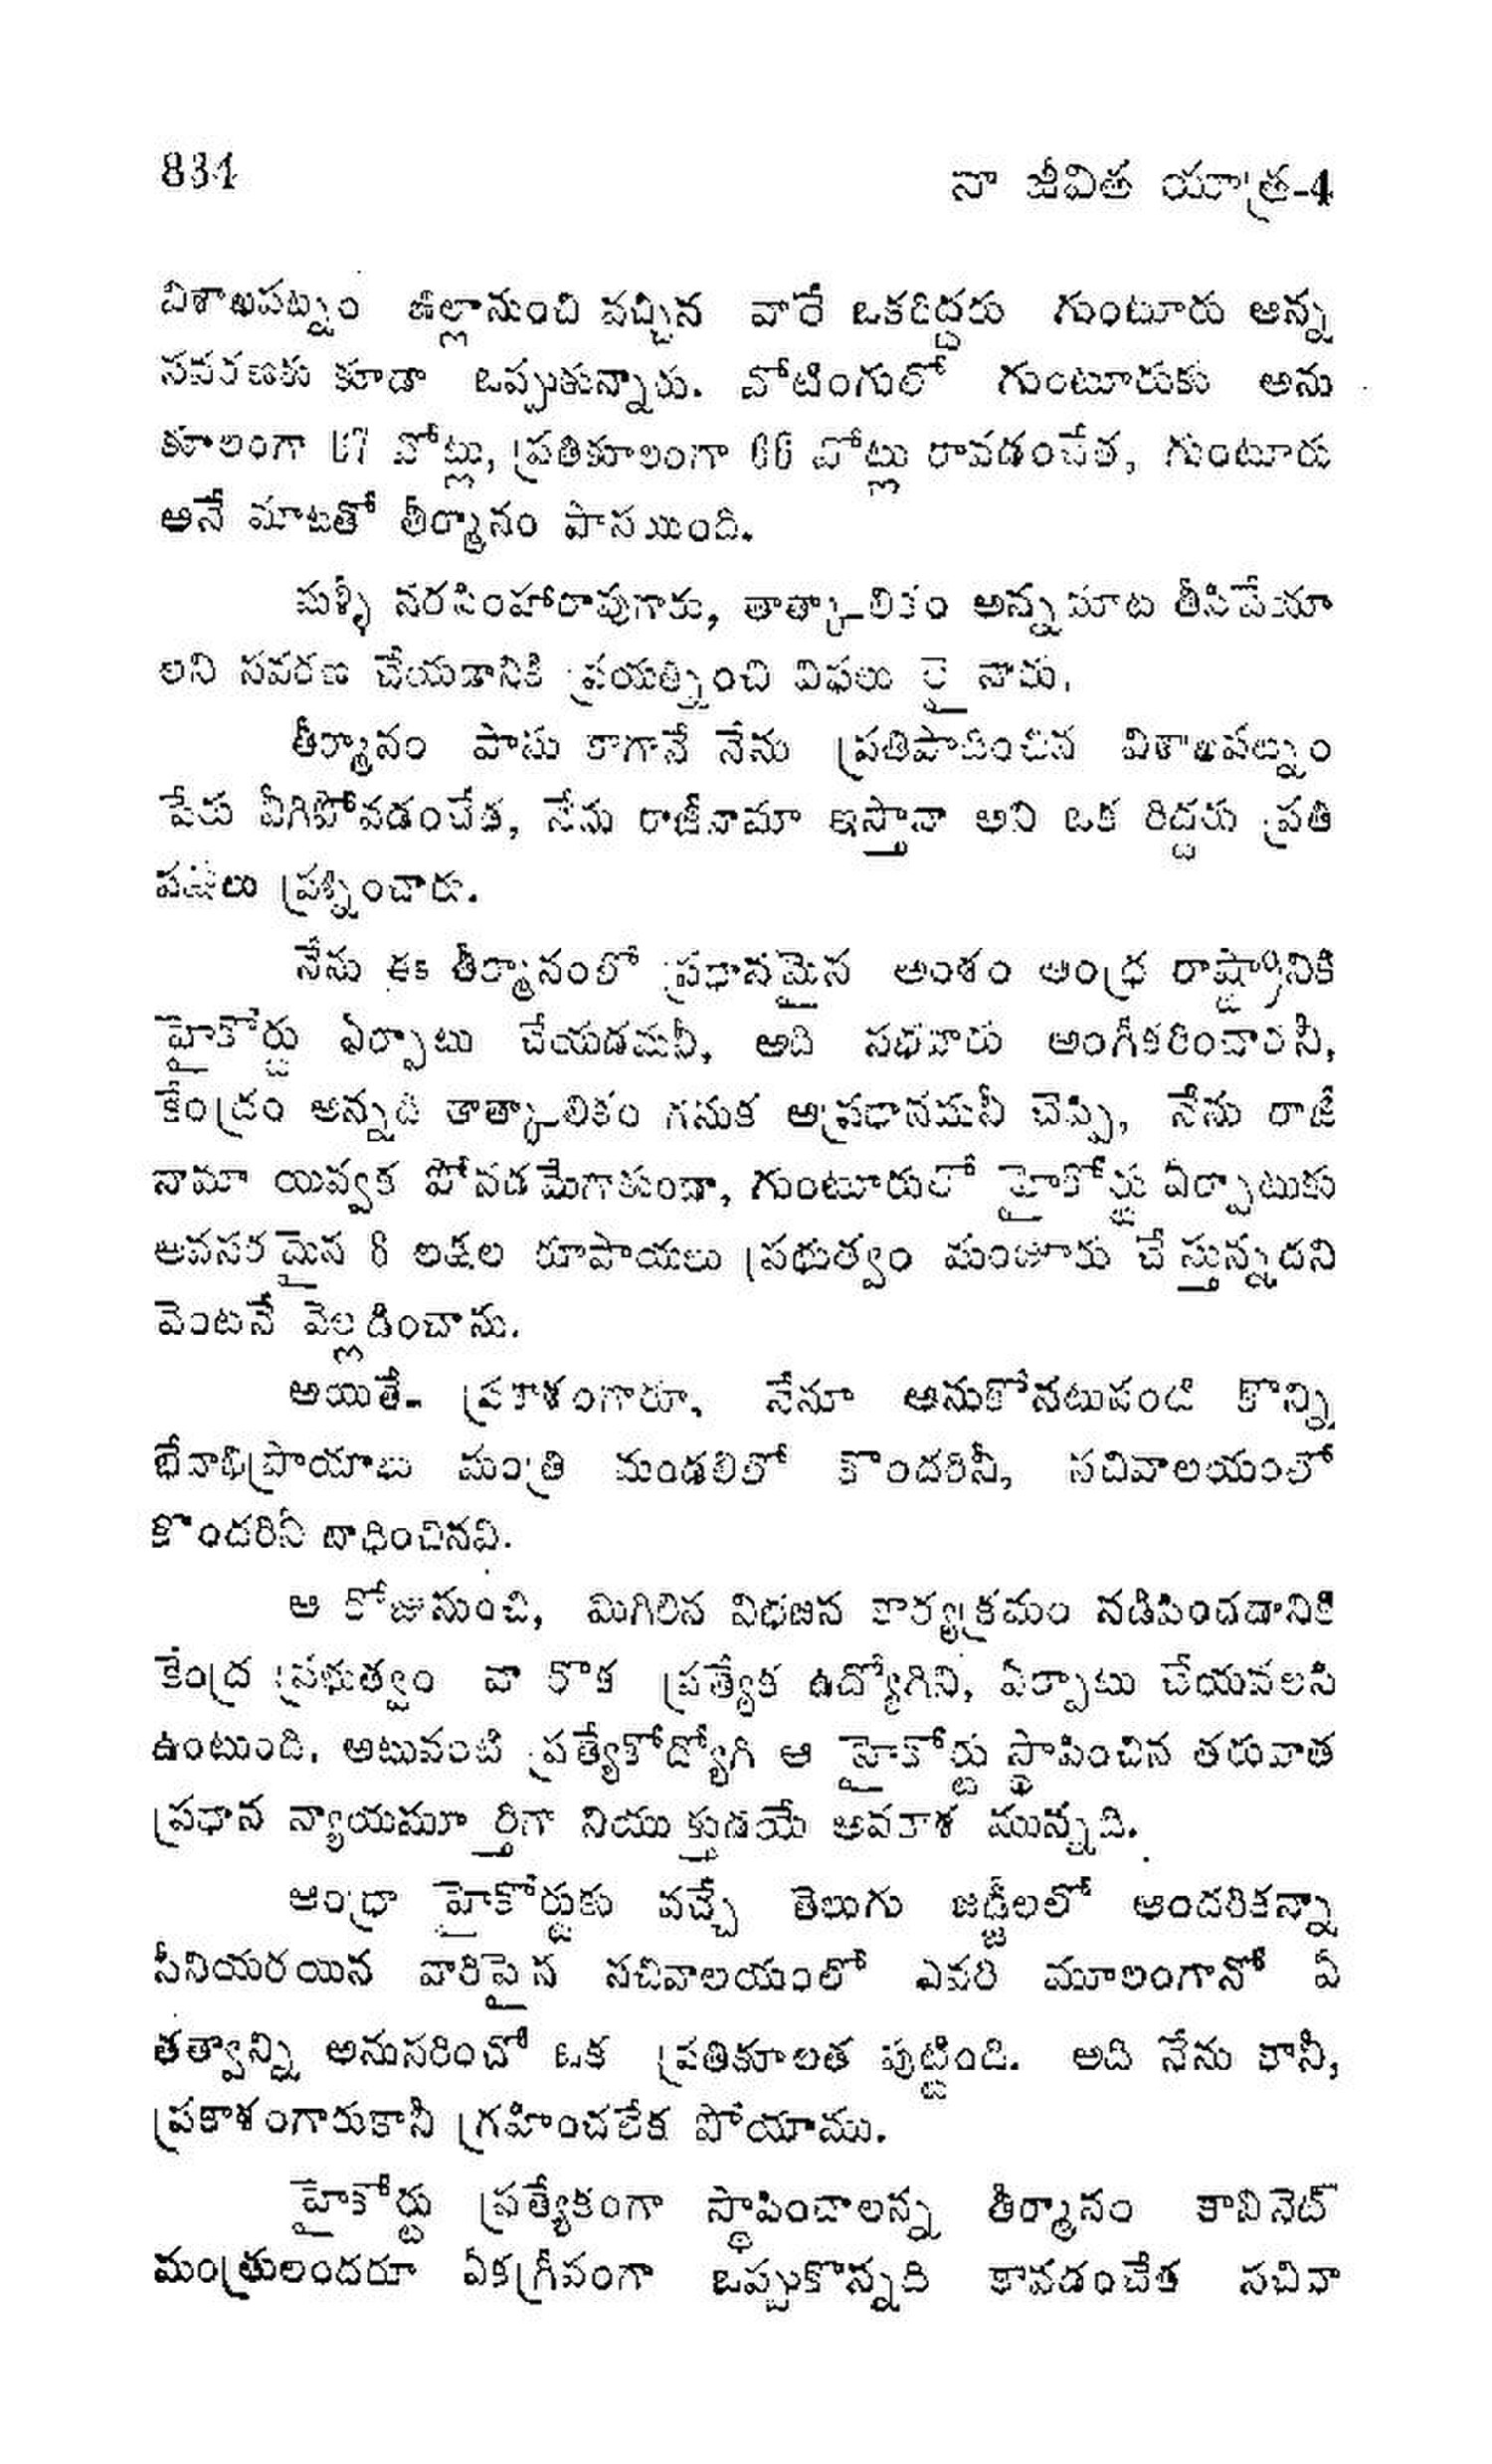విశాఖపట్నం జిల్లానుంచి వచ్చిన వారే ఒకరిద్దరు గుంటూరు అన్న సవరణకు కూడా ఒప్పుకున్నారు. వోటింగులో గుంటూరుకు అనుకూలంగా 67 వోట్లు, ప్రతికూలంగా 66 వోట్లు రావడంచేత, గుంటూరు అనే మాటతో తీర్మానం పాసయింది.

మళ్ళీ నరసింహారావుగారు, తాత్కాలికం అన్నమాట తీసివేయాలని సవరణ చేయడానికి ప్రయత్నించి విఫలు లై నారు.

తీర్మానం పాసు కాగానే నేను ప్రతిపాదించిన విశాఖపట్నం పేరు వీగిపోవడంచేత, నేను రాజీనామా ఇస్తానా అని ఒక రిద్దరు ప్రతి పక్షులు ప్రశ్నించారు.

నేను ఈ తీర్మానంలో ప్రధానమైన అంశం ఆంధ్ర రాష్ట్రానికి హైకోర్టు ఏర్పాటు చేయడమనీ, అది సభవారు అంగీకరించారనీ, కేంద్రం అన్నది తాత్కాలికం గనుక అప్రధానమనీ చెప్పి, నేను రాజీనామా యివ్వక పోవడమేగాకుండా, గుంటూరులో హైకోర్టు ఏర్పాటుకు అవసరమైన 8 లక్షల రూపాయలు ప్రభుత్వం మంజూరు చేస్తున్నదని వెంటనే వెల్లడించాను.

అయితే - ప్రకాశంగారూ, నేనూ అనుకోనటువంటి కొన్ని భేదాభిప్రాయాలు మంత్రి మండలిలో కొందరినీ, సచివాలయంలో కొందరినీ బాధించినవి.

ఆ రోజునుంచి, మిగిలిన విభజన కార్యక్రమం నడిపించడానికి కేంద్ర ప్రభుత్వం వా రొక ప్రత్యేక ఉద్యోగిని, ఏర్పాటు చేయవలసి ఉంటుంది. అటువంటి ప్రత్యేకోద్యోగి ఆ హైకోర్టు స్థాపించిన తరువాత ప్రధాన న్యాయమూర్తిగా నియుక్తుడయే అవకాశ మున్నది.

ఆంధ్రా హైకోర్టుకు వచ్చే తెలుగు జడ్జీలలో అందరికన్నా సీనియరయిన వారిపైన సచివాలయంలో ఎవరి మూలంగానో ఏ తత్వాన్ని అనుసరించో ఒక ప్రతికూలత పుట్టింది. అది నేను కానీ, ప్రకాశంగారుకానీ గ్రహించలేక పోయాము.

హైకోర్టు ప్రత్యేకంగా స్థాపించాలన్న తీర్మానం కాబినెట్ మంత్రులందరూ ఏకగ్రీవంగా ఒప్పుకొన్నది కావడంచేత సచివా